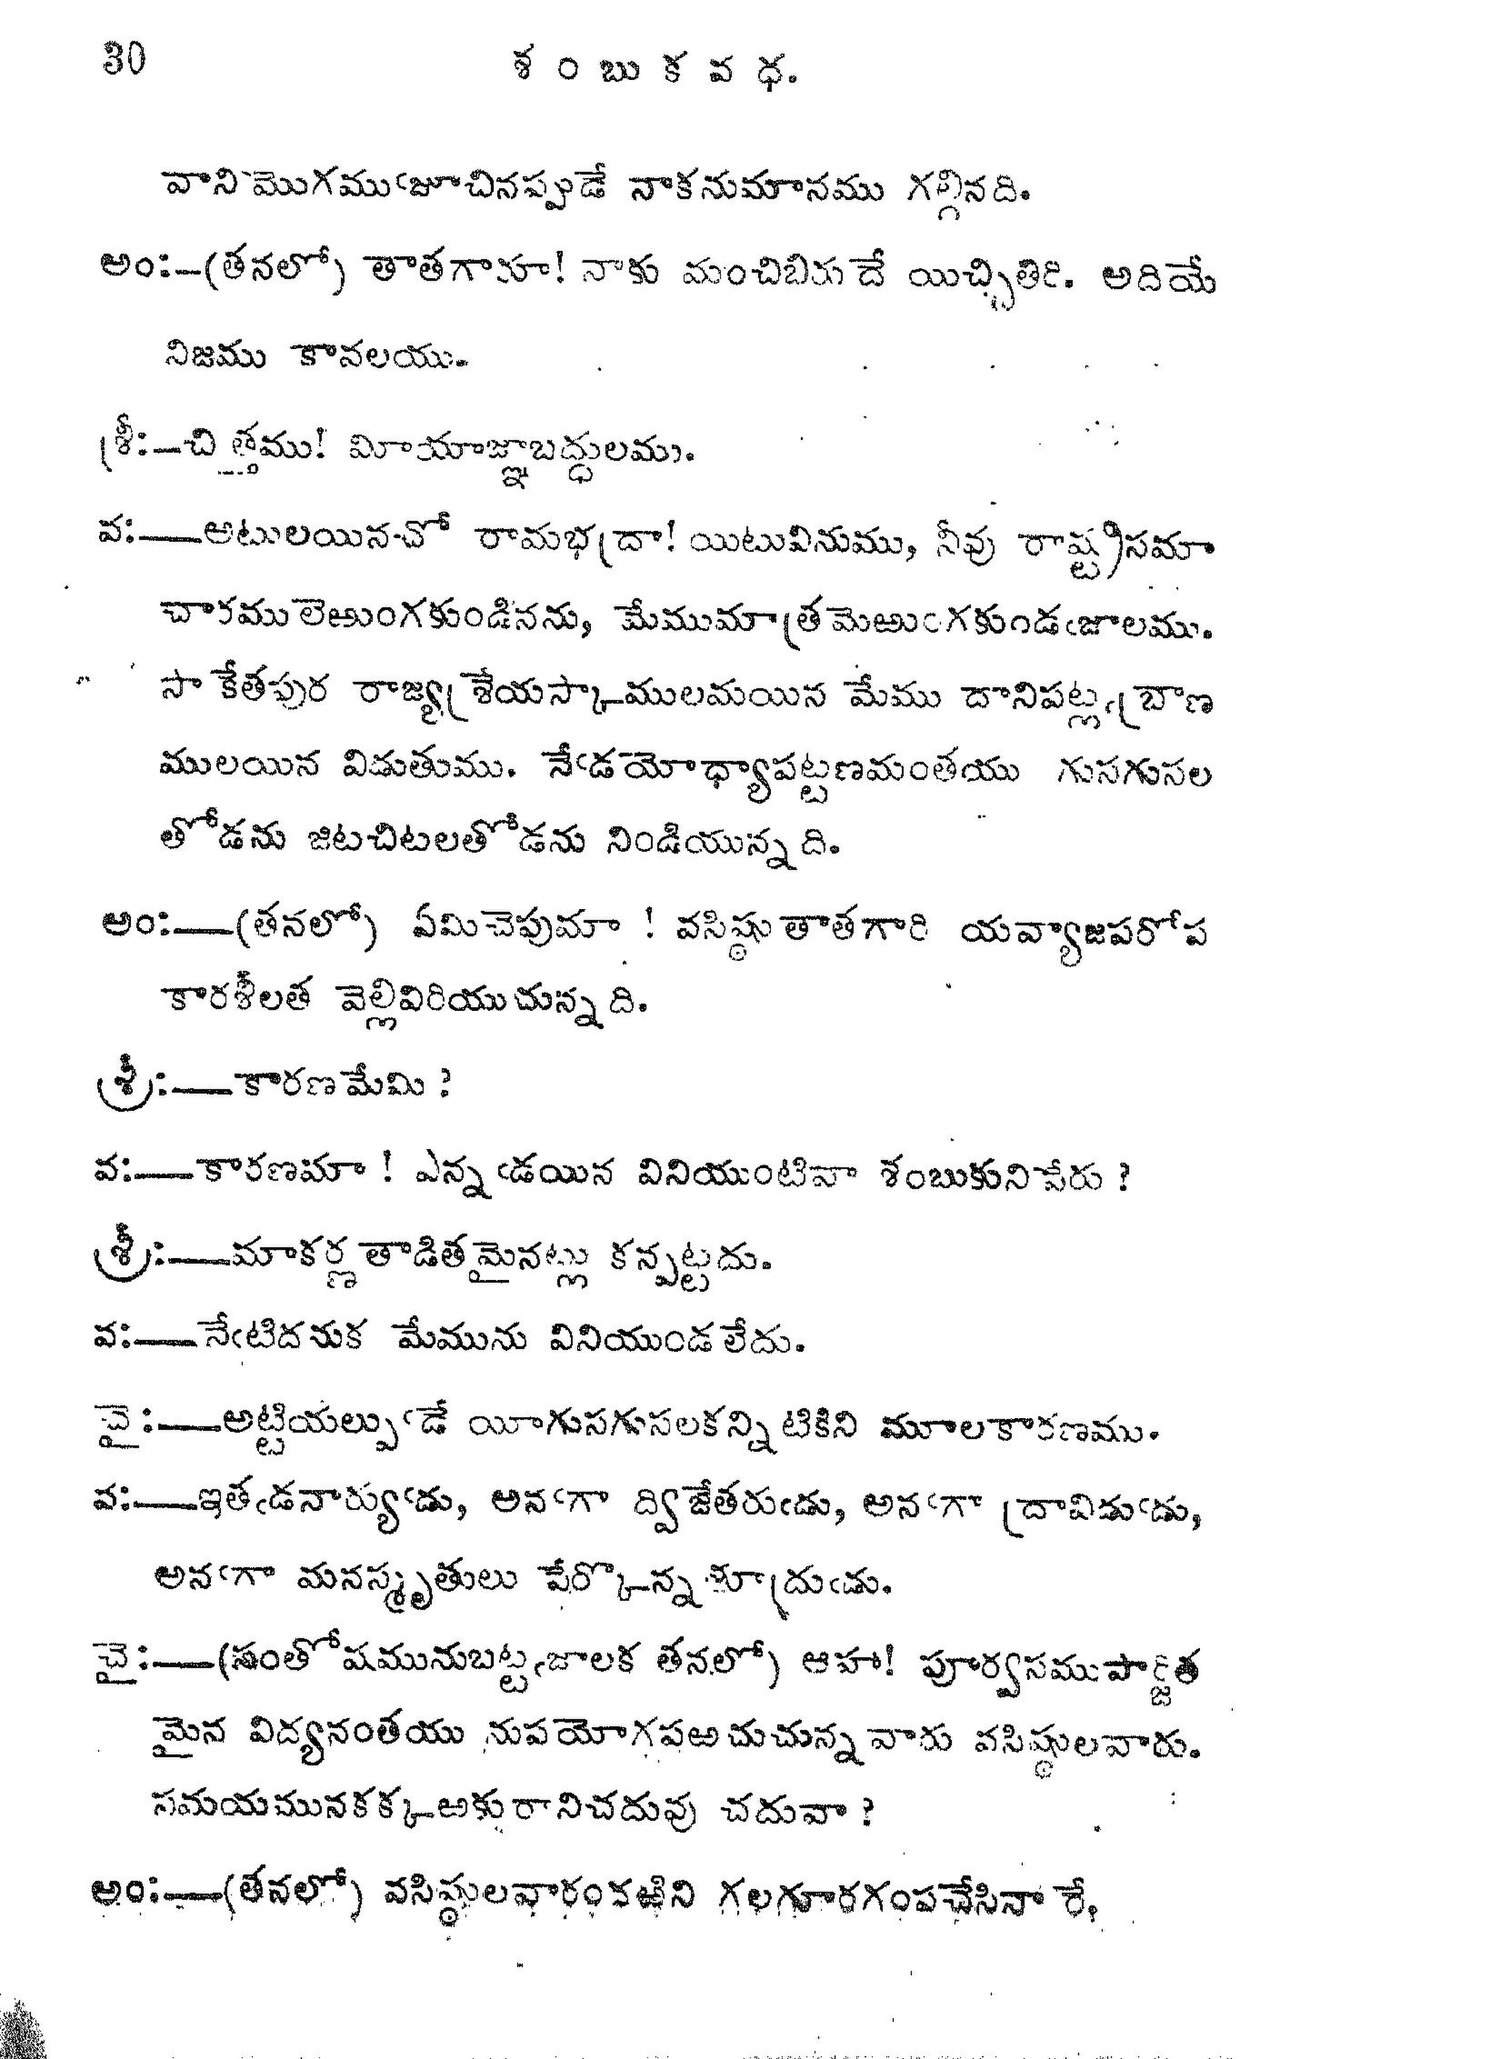వాని మొగము జూచినప్పుడే నాకనుమానము గల్గినది.

అం:-(తనలో) తాతగారూ! నాకు మంచిబిరుదే యిచ్చితిరి. అదియే
 నిజము కానలయు..

శ్రీ:- చిత్తము! మీజ్ఞాబద్ధులము

వ: అటులయినచో రామభద్రా! యిటువినుము, నీవు రాష్ట్రసమా
 చారము లెఱుంగ కుండినను, మేము మాత్రమెఱుఁగకుండఁ జాలము.
 సాకేతపుర రాజ్యశ్రేయస్కాము లమయిన మేము దానిపట్ల బ్రాణ
 ములయిన విడుతుము. నేడయోధ్యా పట్టణ మంతయు గుసగుసల
 తోడను జిటచిటల తోడను నిండి యున్నది.

అం:-(తనలో) ఏమి చెపుమా ! వసిష్ఠు తాత గారి యవ్యాజ పరోప
 కారశీలత వెల్లివిరియు చున్నది.

శ్రీ:- కారణ మేమి ?

వ:-- కారణమా ! ఎన్నడయిన వినియుంటినా శంబుకుని పేరు ?

శ్రీ:- మాకర్ల తాడిత మైనట్లు కన్పట్టదు.

వ: నేఁటిదనుక మేమును వినియుండ లేదు.

వై:-అట్టి యల్పుడే యీ గుసగుసలకన్నిటికిని మూలకారణము . 

ప:-ఇతఁడ నార్యుఁడు, అనగా ద్విజేతరుఁడు, అనగా ద్రావిడుఁడు,
 అనఁగా మనస్మృతులు పేర్కొన్న శూద్రుఁడు.

చై:- (సంతోషమునుబట్ట జాలక తనలో) ఆహా! పూర్వసముపార్టీత
 మైన విద్యనంతయు నుపయోగపఱచుచున్న వారు వసిష్టులవారు.
 సమయమున కక్కఱకు రానిచదువు చదువా?

అం:(తనలో) వసిష్ఠుల వారందఱిని గలగూరగంప చేసినారే, 
...